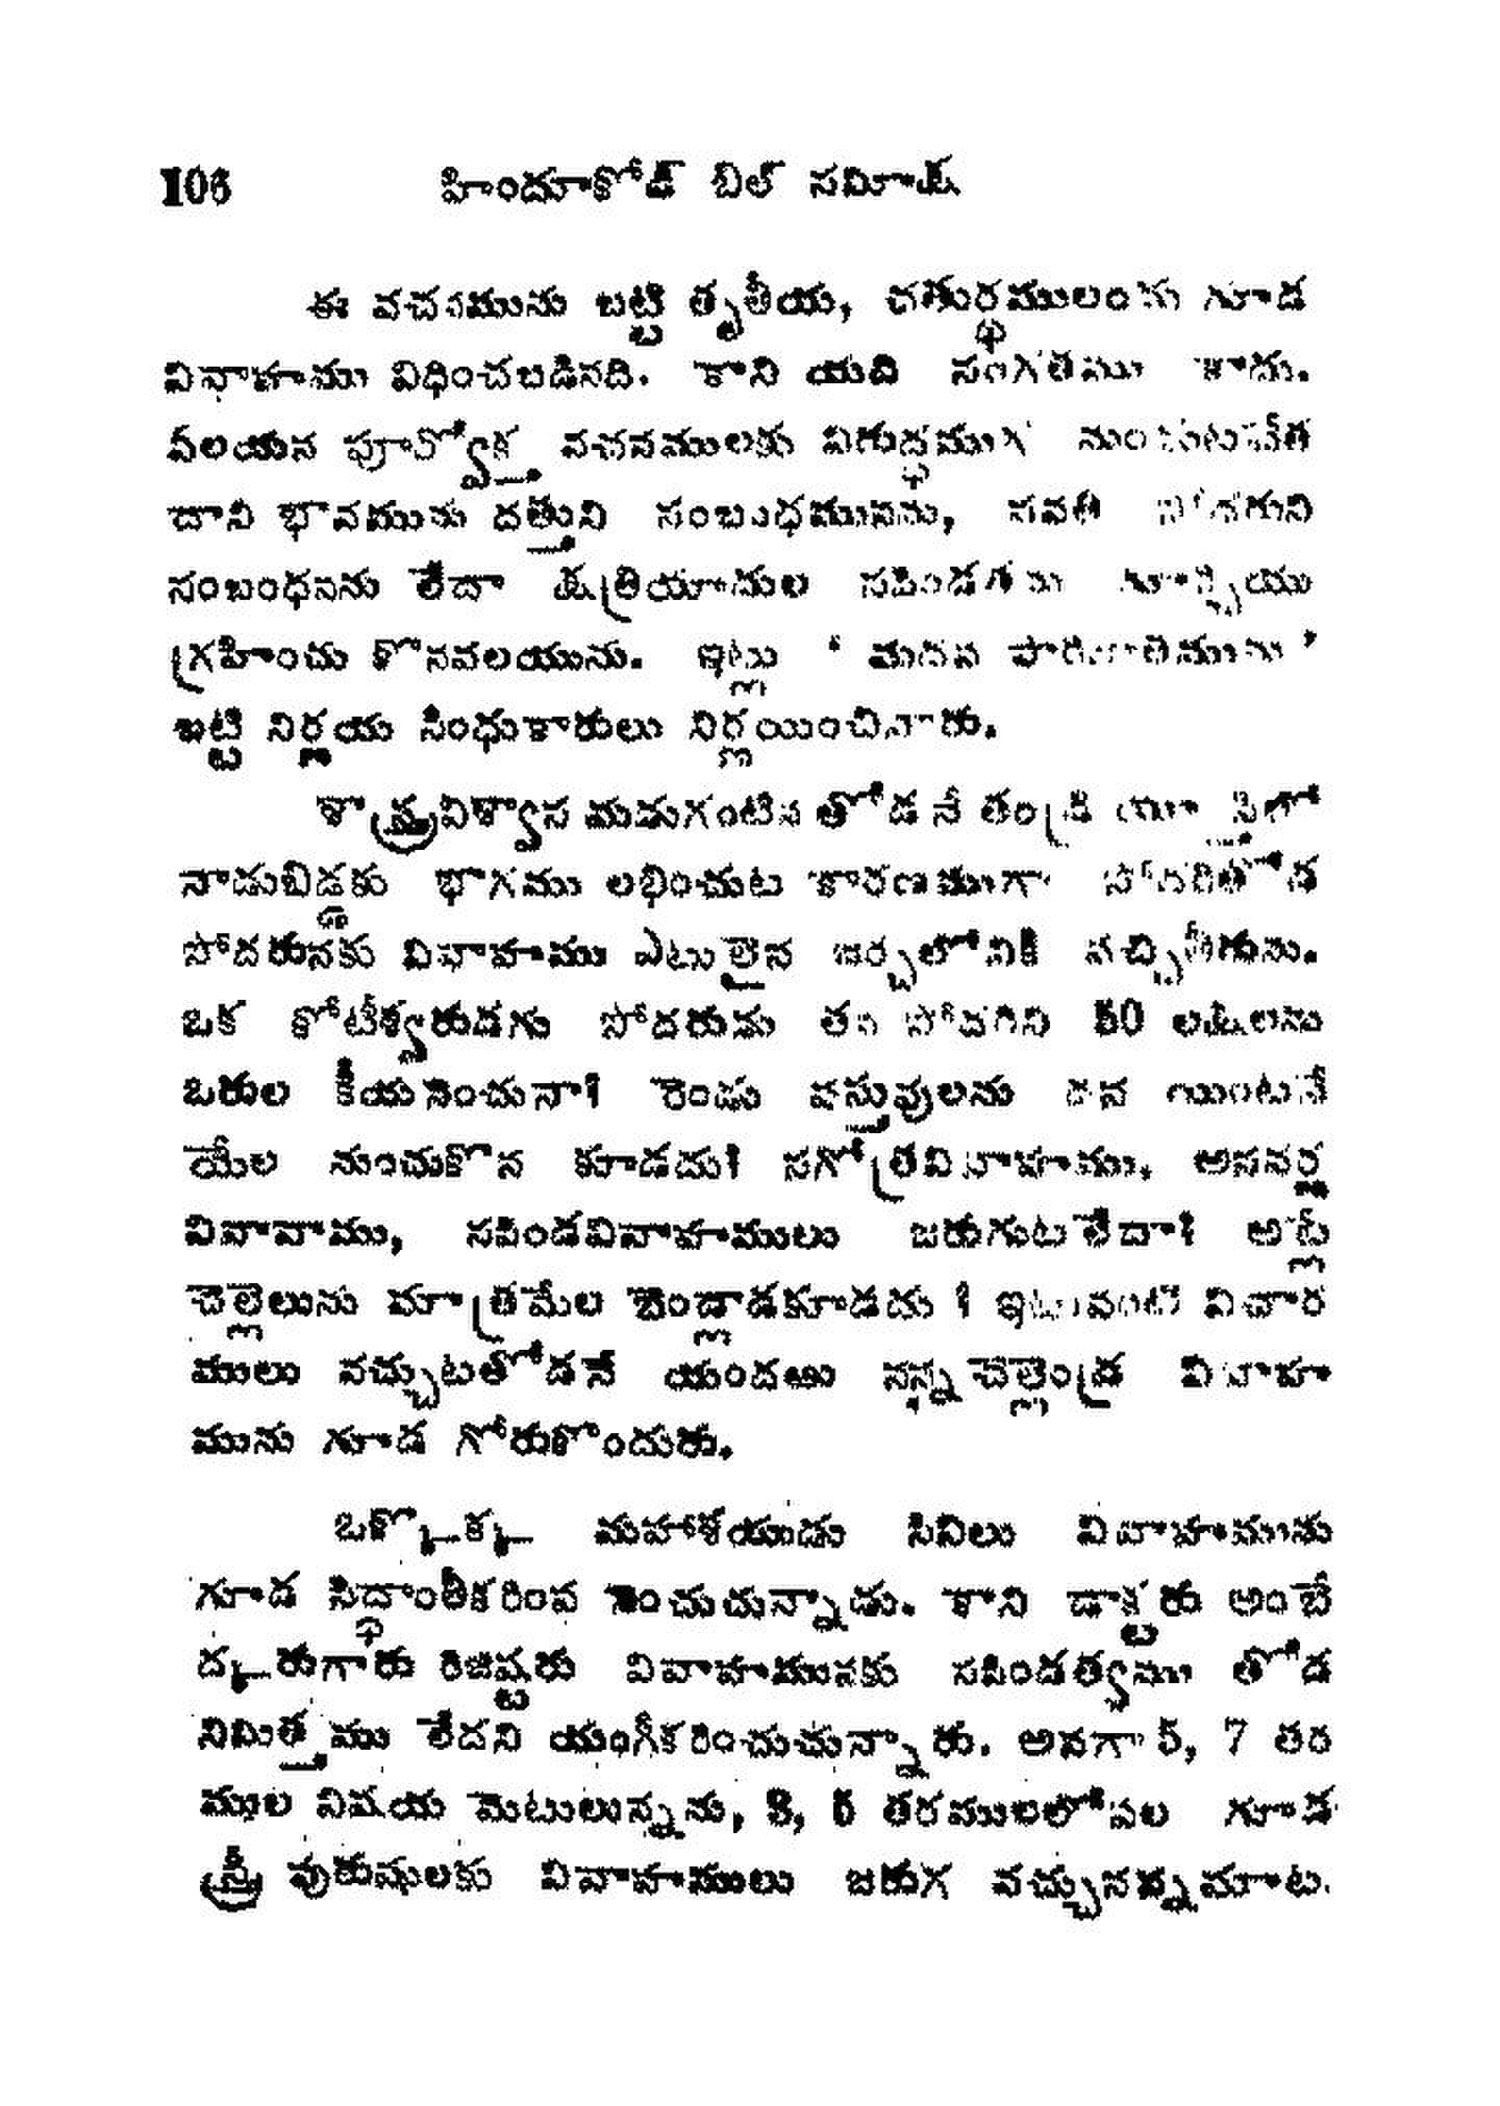ఈ వచనమును బట్టి తృతీయ, చతుర్ధములందు గూడ
వివాహము విధించబడినది. కాని యది సంగతము కాదు.
ఏలయన పూర్వోక్త వచనములకు విరుద్ధముగ నుండుటచేత
దాని భావమును దత్తుని సంబంధములను, సవతి సోదరుని 
సంబంధమును లేదా క్షత్రియాదుల సపిండతమ గూర్చియు
గ్రహించు కొనవలయును. ఇట్లు 'మదన పారిజాతము'ను *
బట్టి నిర్ణయ సింధుకారులు నిర్ణయించినారు.

శాస్త్రవిశ్వాస మడుగంటిన తోడనే తండ్రి యాస్తి లో
నాడుబిడ్డకు భాగము లభించుట కారణముగా సోదరితోడ
సోదరునకు వివాహము ఎటులైన జర్చలోనికి వచ్చితీరును.
ఒక కోటీశ్వరుడుగు సోదరుడు తని సోదరిని 50 లక్షలను
ఒరుల కీయనినెంచునా? రెండు వస్తువులను దన యింటనే
యేల నుంచుకొన కూడదు। సగోత్రవివాహము, అసవర్ల
వివావాము, సపిండ వివాహములు జడగుట లేదా? అట్లే 
చెల్లెలును మాత్రమేల బెండ్లాడకూడదు? ఇటువంటి విచార
ములు వచ్చుటతోడనే యందఱు నన్న చెల్లెండ్ర వివాహమును 
గూడ గోరుకొందురు.

ఒక్కొక్క మహాశయుడు సివిలు వివాహమును
గూడ సిద్ధాంతీకరింప నెంచుచున్నాడు. కాని డాక్టర్ 
అంబేద్కరుగారు రిజిష్టరు వివాహమునకు సపిండత్వము తోడ 
నిమిత్తము లేదని యంగీకరించుచున్నారు. అనగా 5, 7 తర
ముల విషయ మెటులున్నను, 3, 5 తరములలోపల 
స్త్రీ పురుషులకు వివాహములు జరుగ వచ్చునన్నమాట.